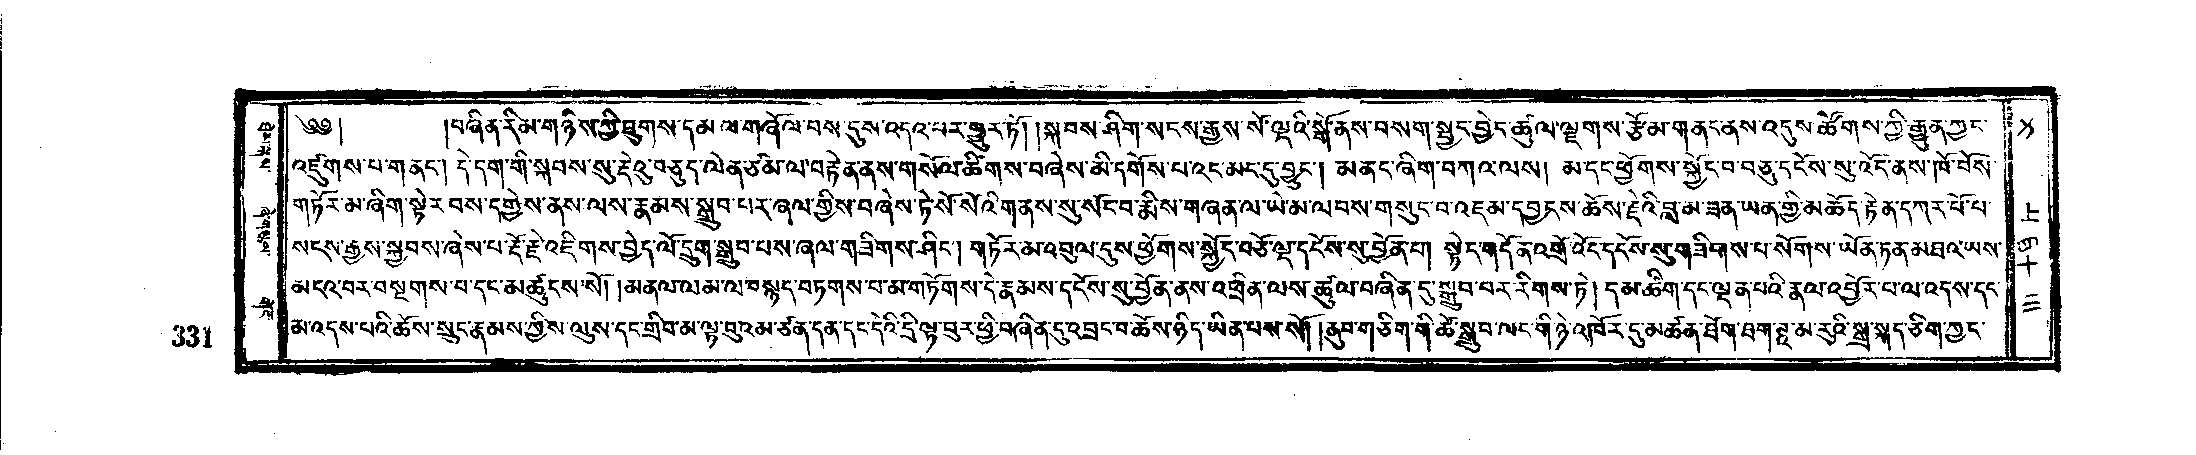༄༅། །བཞིན་རིམ་གཉིས་ཀྱི་ཐུགས་དམ་ལ་གཞོལ་བས་དུས་འདའ་པར་གྱུར་ཏོ། །སྐབས་ཤིག་སངས་རྒྱས་སོ་ལྔའི་སྒོ་ནས་བསག་སྦྱང་བྱེད་ཚུལ་ལྗགས་རྩོམ་གནང་ནས་འདུས་ཚོགས་ཀྱི་རྒྱུན་ཀྱང་
འཛུགས་པ་གནང་། དེ་དག་གི་སྐབས་སུ་རྡེའུ་བཅུད་ལེན་ཙམ་ལ་བརྟེན་ནས་གསོལ་ཚིགས་བཞེས་མི་དགོས་པ་འང་མང་དུ་བྱུང་། མནང་ཞིག་བཀའ་ལས། མ་དང་ཕྱོགས་སྐྱོང་བ་བཅུ་དངོས་སུ་འོད་ནས་ཁོ་བོས་
གཏོར་མ་ཞིག་སྟེར་བས་དགྱེས་ནས་ལས་རྣམས་སྒྲུབ་པར་ཞལ་གྱིས་བཞེས་ཏེ་སོ་སོའི་གནས་སུ་སོང་བ་རྨིས་གཞན་ལ་ཡེ་མ་ལབས་གསུང་བ་འཇམ་དབྱངས་ཆོས་རྗེའི་བླ་མ་ཟན་ཡན་གྱི་མཆོད་རྟེན་དཀར་པོ་པ་
སངས་རྒྱས་སྐྱབས་ཞེས་པ་རྡོ་རྗེ་འཇིགས་བྱེད་ལོ་དྲུག་སྒྲུབ་པས་ཞལ་གཟིགས་ཤིང་། གཏོར་མ་འབུལ་དུས་ཕྱོགས་སྐྱོང་བཅོ་ལྔ་དངོས་སུ་བྱོན་པ། སྟེང་གདོན་འགྲོ་འོང་དངོས་སུ་གཟིགས་པ་སོགས་ཡོན་ཏན་མཐའ་ཡས་
མངའ་བར་བསྔགས་པ་དང་མཚུངས་སོ། །མནལ་ལམ་ལ་བསྙད་བཏགས་པ་མ་གཏོགས་དེ་རྣམས་དངོས་སུ་བྱོན་ནས་འཕྲིན་ལས་ཚུལ་བཞིན་དུ་སྒྲུབ་པར་རིགས་ཏེ། དམ་ཚིག་དང་ལྡན་པའི་རྣལ་འབྱོར་པ་ལ་འདས་དང་
མ་འདས་པའི་ཆོས་སྲུང་རྣམས་ཀྱིས་ལུས་དང་གྲིབ་མ་ལྟ་བུ་འམ་ཙན་དན་དང་དེའི་དྲི་ལྟ་བུར་ཕྱི་བཞིན་དུ་འབྲང་བ་ཆོས་ཉིད་ཡིན་པས་སོ། །ནུབ་གཅིག་གི་ཚེ་སྒྲུབ་ལང་གི་ཉེ་འཁོར་དུ་མཚན་ཐོག་ཐག་ཌཱ་མ་རུའི་སྒྲ་སྐད་ཅིག་ཀྱང་